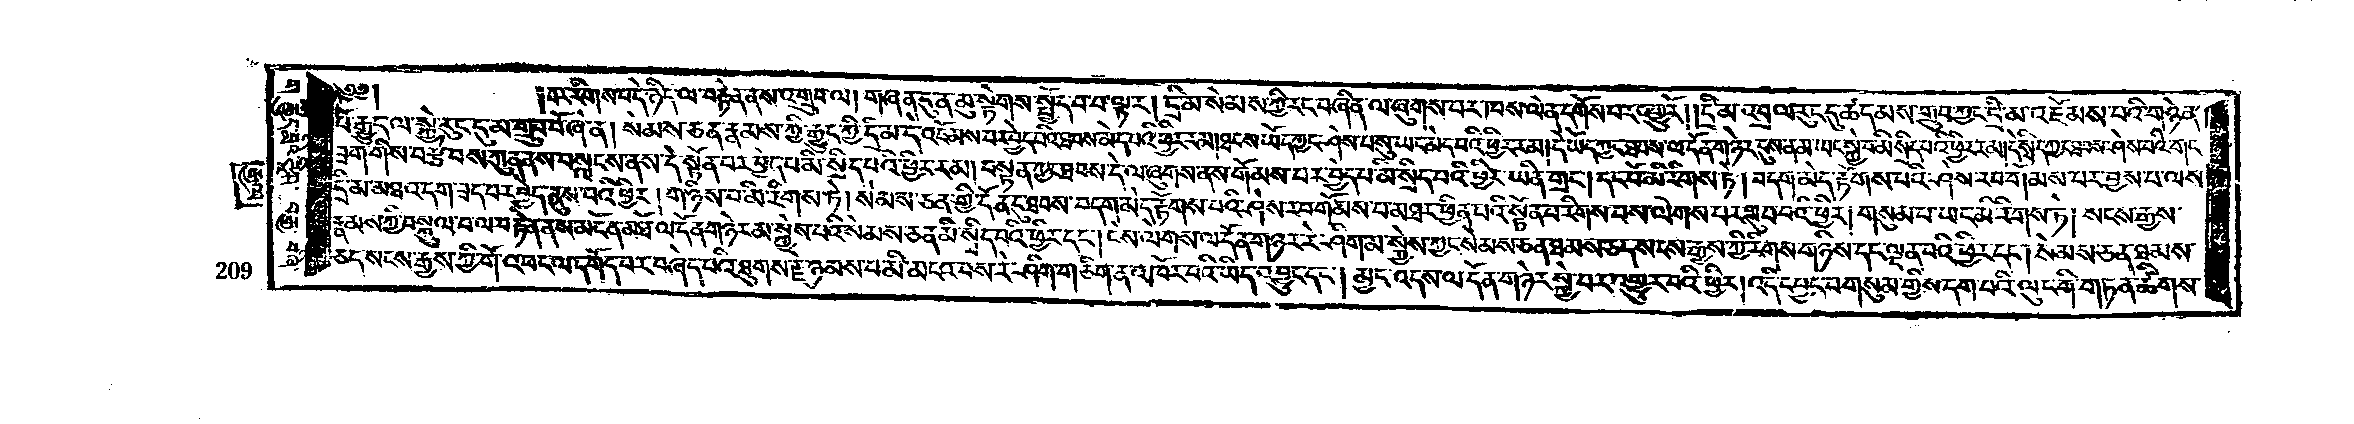༄༅། །བར་རིགས་པ་དེ་ཉིད་ལ་བརྟེན་ནས་འགྲུབ་ལ། གཞན་དུ་ན་མུ་སྟེགས་སྤྱོད་པ་བ་ལྟར། དྲི་མ་སེམས་ཀྱི་རང་བཞིན་ལ་ཞུགས་པར་ཁས་ལེན་དགོས་པར་འགྱུར་རོ། །དྲི་མ་འབྲལ་རུང་དུ་ཚད་མས་གྲུབ་ཀྱང་དྲི་མ་འཇོམས་པའི་གཉེན་
པོ་རྒྱུད་ལ་སྐྱེ་རུང་དུ་མ་གྲུབ་བོ་ཞེ་ན། སེམས་ཅན་རྣམས་ཀྱི་རྒྱུད་ཀྱི་དྲི་མ་དེ་འཇོམས་པར་བྱེད་པའི་ཐབས་མེད་པའི་ཕྱིར་རམ། ཐབས་ཡོད་ཀྱང་ཤེས་པ་སུ་ཡང་མེད་པའི་ཕྱིར་རམ། དེ་ཡོད་ཀྱང་ཐབས་ལ་དོན་གཉེར་དུས་ནམ་ཡང་སྐྱེ་བ་མི་སྲིད་པའི་ཕྱིར་རམ། དེ་སྲིད་ཀྱང་ཐབས་ཤེས་པའི་གང་
ཟག་གིས་བརྩེ་བས་ཀུན་ནས་བསླངས་ནས་དེ་སྟོན་པར་བྱེད་པ་མི་སྲིད་པའི་ཕྱིར་རམ། བསྟན་ཀྱང་ཐབས་དེ་ལ་ཞུགས་ནས་གོམས་པར་བྱེད་པ་མི་སྲིད་པའི་ཕྱིར་ཡིན་གྲང་། དང་པོ་མི་རིགས་ཏེ། བདག་མེད་རྟོགས་པའི་ཤེས་རབ་གོམས་པར་བྱས་པ་ལས་
དྲི་མ་མཐའ་དག་ཟད་པར་བྱེད་ནུས་པའི་ཕྱིར། གཉིས་པ་མི་རིགས་ཏེ། སེམས་ཅན་གྱི་དོན་དུ་ཐབས་བདག་མེད་རྟོགས་པའི་ཤེས་རབ་གོམས་པ་མཐར་ཕྱིན་པའི་སྟོན་པ་རིགས་པས་ལེགས་པར་གྲུབ་པའི་ཕྱིར། གསུམ་པ་ཡང་མི་རིགས་ཏེ། སངས་རྒྱས་
རྣམས་ཀྱི་བསྐུལ་བ་ལ་བརྟེན་ནས་མངོན་མཐོ་ལ་དོན་གཉེར་མ་སྐྱེས་པའི་སེམས་ཅན་མི་སྲིད་པའི་ཕྱིར་དང་། ངེས་ལེགས་ལ་དོན་གཉེར་རེ་ཤིག་མ་སྐྱེས་ཀྱང་སེམས་ཅན་ཐམས་ཅད་སངས་རྒྱས་ཀྱི་རིགས་གཉིས་དང་ལྡན་པའི་ཕྱིར་དང་། སེམས་ཅན་ཐམས་
ཅད་སངས་རྒྱས་ཀྱི་གོ་འཕང་ལ་དགོད་པར་བཞེད་པའི་ཐུགས་རྗེ་ཉམས་པ་མི་མངའ་བས་རེ་ཤིག་གཅིག་ན་འཁོར་བའི་ཡིད་འབྱུང་དང་། མྱང་འདས་ལ་དོན་གཉེར་སྐྱེ་བར་འགྱུར་བའི་ཕྱིར། འདི་དཔྱད་པ་གསུམ་གྱིས་དག་པའི་ལུང་གི་གཏན་ཚིགས་